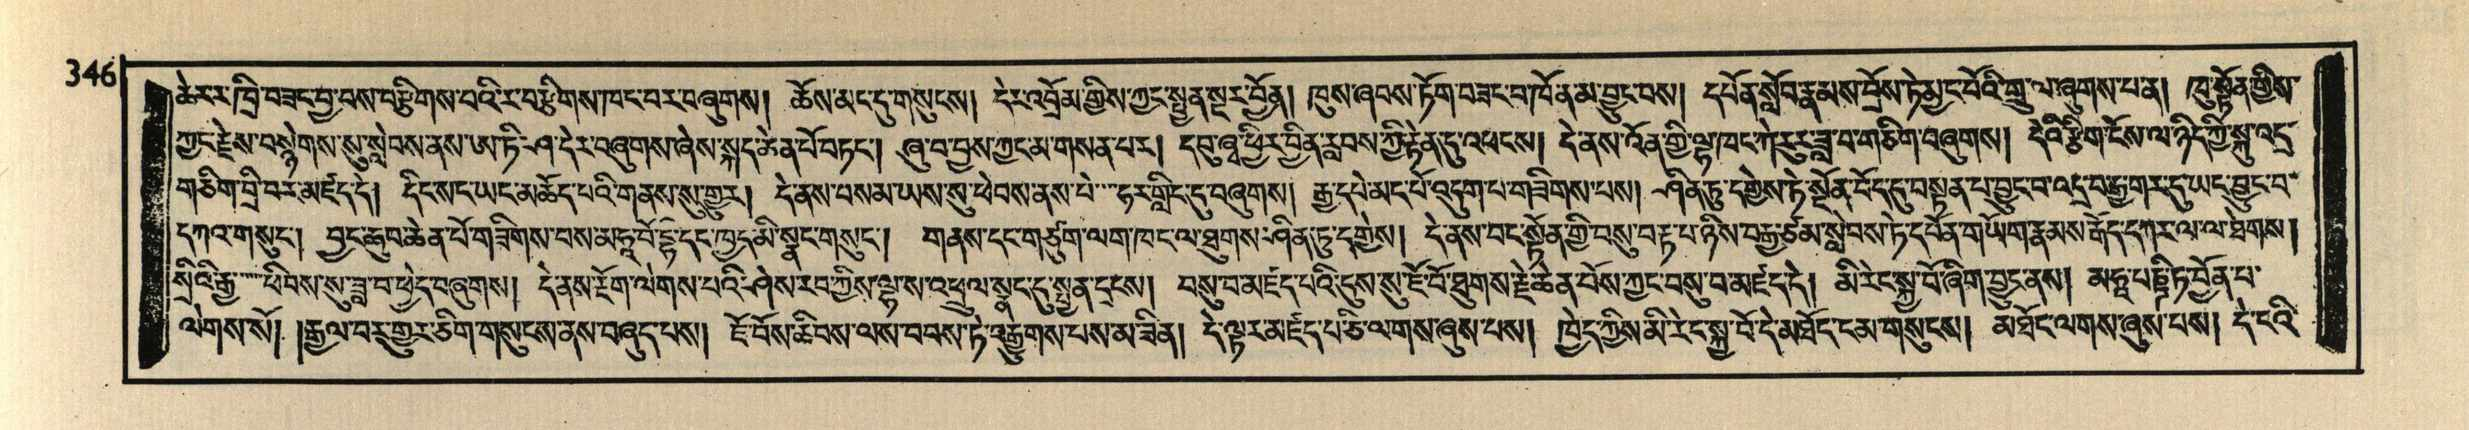ཆེར་ར་ཁྲི་བཟང་བྱ་བས་བརྩིགས་པའི་ར་བརྩིགས་ཁང་བར་བཞུགས། ཆོས་མང་དུ་གསུངས། དེར་འབྲོམ་གྱིས་ཀྱང་སྤྱན་སྔར་བྱོན། ཁུས་ཞབས་ཏོག་བཟང་བ་ཁོ་ན་མ་བྱུང་བས། དཔོན་སློབ་རྣམས་བྲོས་ཏེ་མྱང་བོའི་གྲུ་ལ་ཞུགས་པ་ན། ཁུ་སྟོན་གྱིས་
ཀྱང་རྗེས་བསྙེགས་སུ་སླེབས་ནས་ཨ་ཏི་ཤ་དེར་བཞུགས་ཞེས་སྐད་ཆེན་པོ་བཏང་། ཞུ་བ་བྱས་ཀྱང་མ་གསན་པར། དབུ་ཞྭ་ཕྱིར་བྱིན་རླབས་ཀྱི་རྟེན་དུ་འཕངས། དེ་ནས་འོན་གྱི་ལྷ་ཁང་ཀེ་རུར་ཟླ་བ་གཅིག་བཞུགས། དེའི་རྩིག་ངོས་ལ་ཉིད་ཀྱི་སྐུ་འདྲ་
གཅིག་བྲི་བར་མཛད་དེ། དིང་སང་ཡང་མཆོད་པའི་གནས་སུ་གྱུར། དེ་ནས་བསམ་ཡས་སུ་ཕེབས་ནས་པེ་ཧར་གླིང་དུ་བཞུགས། རྒྱ་དཔེ་མང་པོ་འདུག་པ་གཟིགས་པས། ཤིན་ཏུ་དགྱེས་ཏེ་སྔོན་བོད་དུ་བསྟན་པ་བྱུང་བ་འདྲ་བ་རྒྱ་གར་དུ་ཡང་བྱུང་བ་
དཀའ་གསུང་། བྱང་ཆུབ་ཆེན་པོ་གཟིགས་པས་མཧཱ་བོ་དྷི་དང་ཁྱད་མི་སྣང་གསུང་། གནས་དང་གཙུག་ལག་ཁང་ལ་ཐུགས་ཤིན་ཏུ་དགྱེས། དེ་ནས་བང་སྟོན་གྱི་བསུ་བ་རྟ་པ་ཉིས་བརྒྱ་ཙམ་སླེབས་ཏེ་དཔོན་གཡོག་རྣམས་རྒོད་དཀར་ལ་ལ་ཐེགས།
སྲིའི་རྒྱ་ཕིབས་སུ་ཟླ་བ་ཕྱེད་བཞུགས། དེ་ནས་རྔོག་ལེགས་པའི་ཤེས་རབ་ཀྱིས་ལྷ་ས་འཕྲུལ་སྣང་དུ་སྤྱན་དྲངས། བསུ་བ་མཛད་པའི་དུས་སུ་ཇོ་བོ་ཐུགས་རྗེ་ཆེན་པོས་ཀྱང་བསུ་བ་མཛད་དེ། མི་རེང་སྐྱ་བོ་ཞིག་བྱུང་ནས། མཧཱ་པཎྜི་ཏ་བྱོན་པ་
ལེགས་སོ། །རྒྱལ་བར་གྱུར་ཅིག་གསུངས་ནས་བཞུད་པས། ཇོ་བོས་ཆིབས་ལས་བབས་ཏེ་བརྒྱུགས་པས་མ་ཟིན། དེ་ལྟར་མཛད་པ་ཅི་ལགས་ཞུས་པས། ཁྱེད་ཀྱིས་མི་རེང་སྐྱ་བོ་དེ་མཐོང་ངམ་གསུངས། མཐོང་ལགས་ཞུས་པས། དེ་ངའི་